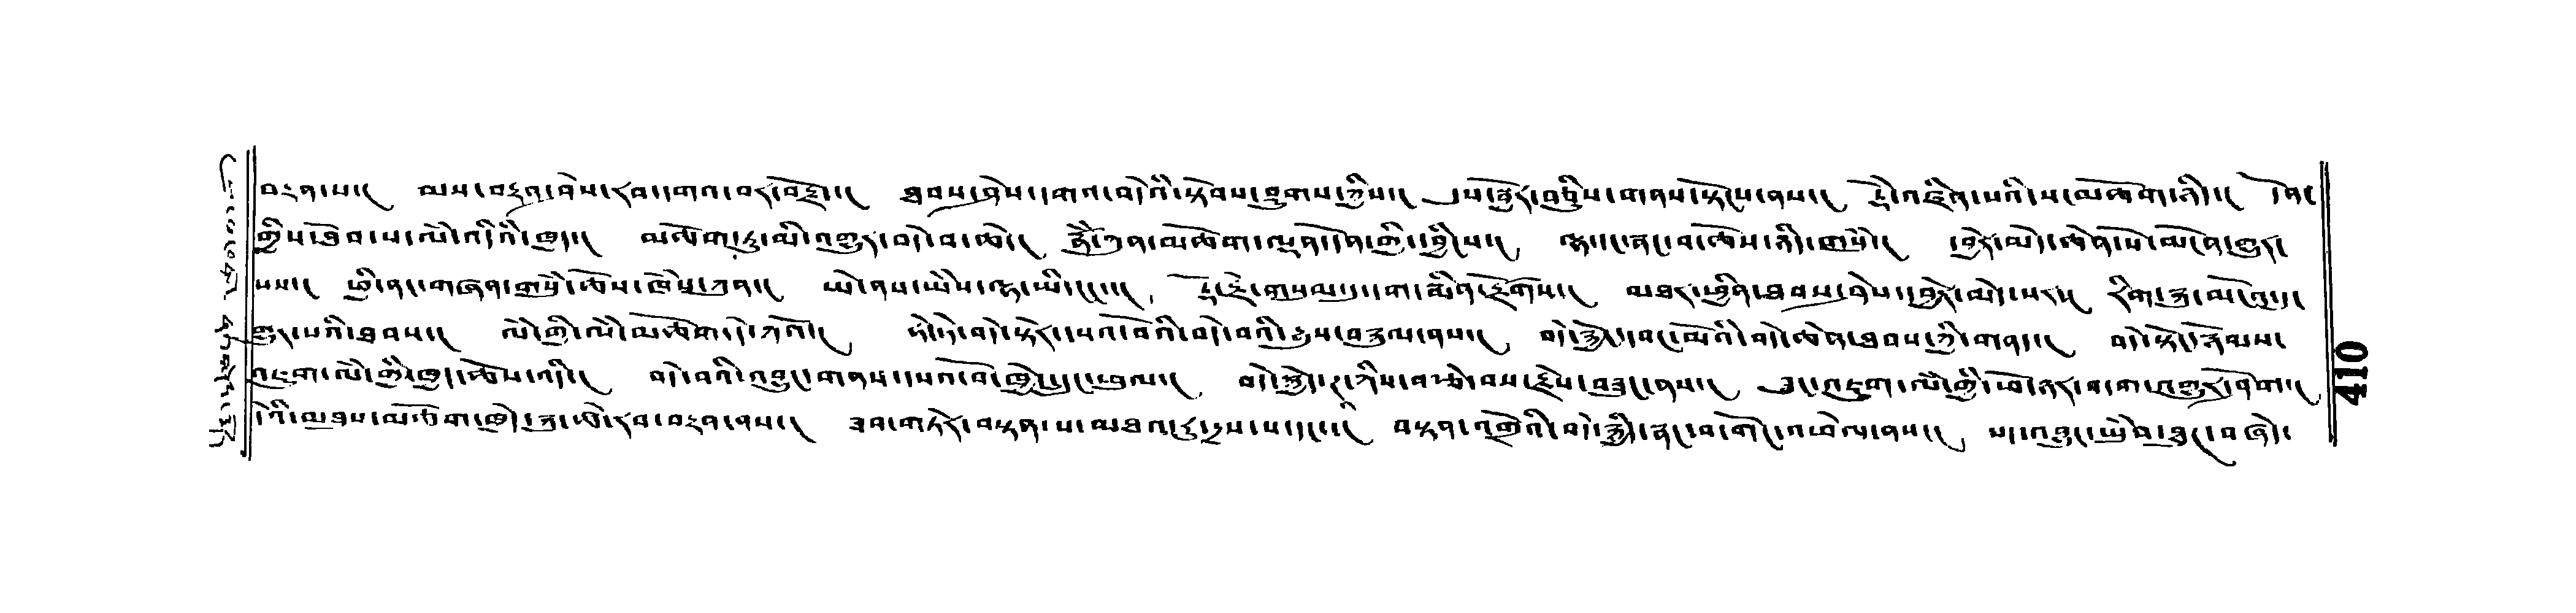བརྟན་པ། །མས་བརྟན་ཤེས་རབ་དགའ་བར་བརྗོད། །ཐབས་ཤེས་དགའ་བདེའི་སྟོབས་ཤུགས་ཀྱིས། །དུས་སྦྱོར་བཅུ་གཉིས་གནས་སྟོངས་ནས། །རྡོ་རྗེ་འཛིན་པའི་ས་མཆོག་ཉིད། །དོན་
གྱིས་ཐོབ་པ་ལམ་འདིའི་ཁྱད། །མཆོག་ཏུ་མི་འགྱུར་བདེ་བ་ཆེ། །རྣམ་ཀུན་མཆོག་ལྡན་དོན་གྱི་དབྱིངས། །ལྷ་དང་སྣང་བ་ཆོས་ཉིད་གསུམ། །དབྱེར་མེད་ཆེན་པོ་མངོན་གྱུར་
པས། །ཕྱི་ནང་གཞན་གསུམ་ཆོས་ཁམས་ཀུན། །ཡེ་ནས་ཡེ་ཤེས་ལྷ་ཡི་ངང་། །རྡོ་རྗེ་གསུམ་དུ་དག་སྨིན་རྫོགས། །མཐར་ཕྱིན་ཐབས་ཤེས་དབྱེར་མེད་པར། །རིག་སྐུ་མངོན་དུ་
གྱུར་པའི་ཐབས། །ལམ་གྱི་ལམ་མཆོག་དེ་ཀའོ། །ཧེ་ཧེ་བདེ་སྟེར་དཔའ་བོའི་བདེ་བའི་རྒྱུས་བསྐུལ་ནས། །བདེ་སྐྱོང་དབང་མོའི་བདེ་ཆེན་ཐབས་ཀྱི་གནད། །བདེ་སྟོང་སྙོམས་
འཇུག་ལམ་གྱི་ཁྱད་ཆོས་འདི། །བདེ་བའི་འབྱུང་གནས་དཔའ་བོ་ཁྱེད་དྲུང་ཕུལ། །བདེ་སྐྱེད་ཌཱ་ཀིས་བརྩེ་བས་རྗེས་བཟུང་ནས། །ཟུང་འཇུག་ལམ་གྱི་ཕོ་ཉར་བདག་འགྱུར་ཤོག །
དེའི་མཐུས་མཆོག་ཁྱེད་སྐུ་ཚེ་རབ་བརྟན་ནས། །ཟབ་གཏེར་བསྟན་པ་མཐའ་དུ་རྒྱས་པ་དང་། །བསྟན་འགྲོའི་བདེ་སྐྱིད་སྣང་བ་གོང་འཕེལ་ནས། །པད་འབྱུང་ཡབ་ཡུམ་ཐུགས་བཞེད་